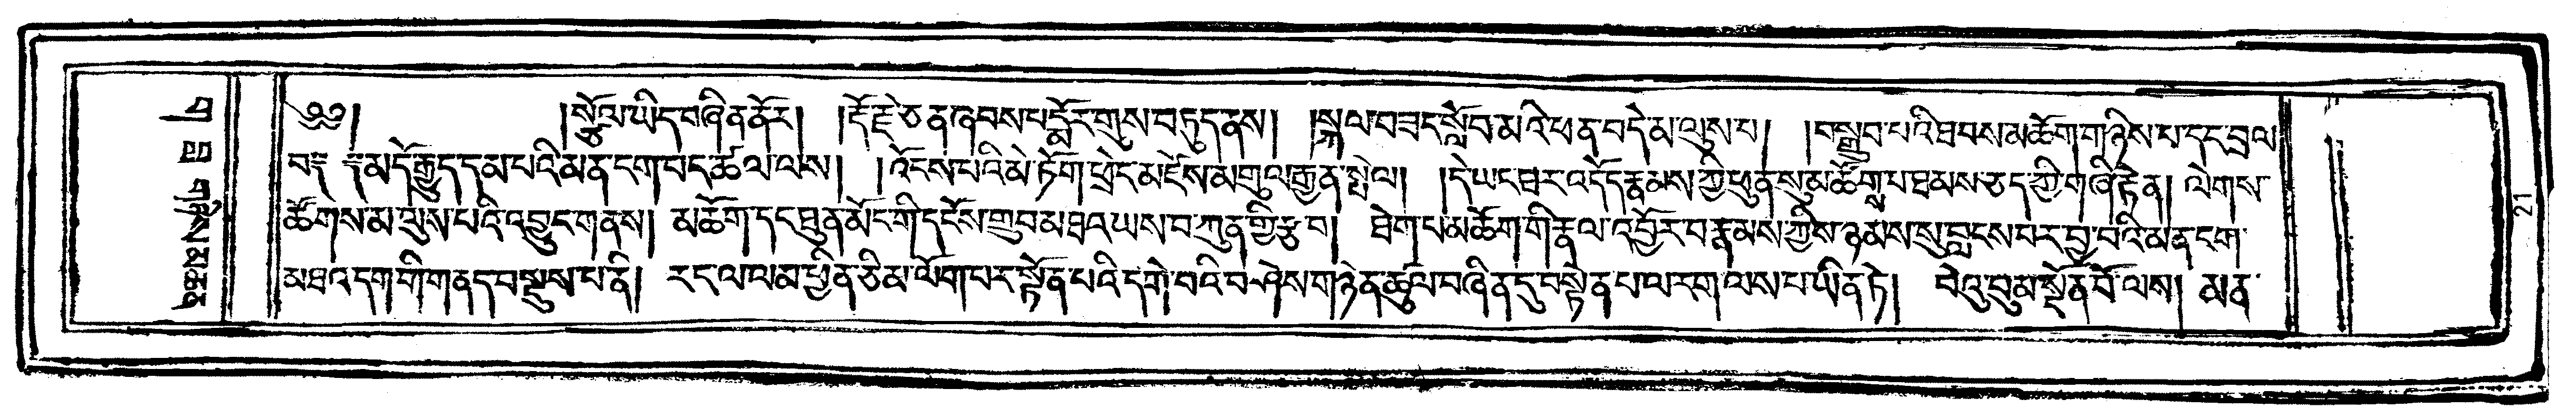༄༅། །སྩོལ་ཡིད་བཞིན་ནོར། །རྡོ་རྗེ་ཅན་ཞབས་པདམོར་གུས་བཏུད་ནས། །སྐལ་བཟང་སློབ་མའི་ཕན་བདེ་མ་ལུས་པ། །བསྒྲུབ་པའི་ཐབས་མཆོག་གཉིས་པ་དང་བྲལ་
བ༑ ༑མདོ་རྒྱུད་དམ་པའི་མན་ངག་བང་ཚལ་ལས། །འོངས་པའི་མེ་ཏོག་ཕྲེང་མཛེས་མགུལ་རྒྱན་སྤེལ། །དེ་ཡང་ཐར་འདོད་རྣམས་ཀྱི་ཕུན་སུམ་ཚོགས་པ་ཐམས་ཅད་ཀྱི་གཞི་རྟེན། ལེགས་
ཚོགས་མ་ལུས་པའི་འབྱུང་གནས། མཆོག་དང་ཐུན་མོང་གི་དངོས་གྲུབ་མཐའ་ཡས་བ་ཀུན་གྱི་རྩ་བ། ཐེག་པ་མཆོག་གི་རྣལ་འབྱོར་བ་རྣམས་ཀྱིས་ཉམས་སུ་བླངས་བར་བྱ་བའི་མན་ངག་
མཐའ་དག་གི་གནད་བསྡུས་པ་ནི། རང་ལ་ལམ་ཕྱིན་ཅི་མ་ལོག་པར་སྟོན་པའི་དགེ་བའི་བཤེས་གཉེན་ཚུལ་བཞིན་དུ་བསྟེན་པ་ལ་རག་ལས་པ་ཡིན་ཏེ། བེའུ་བུམ་སྔོན་པོ་ལས། མན་